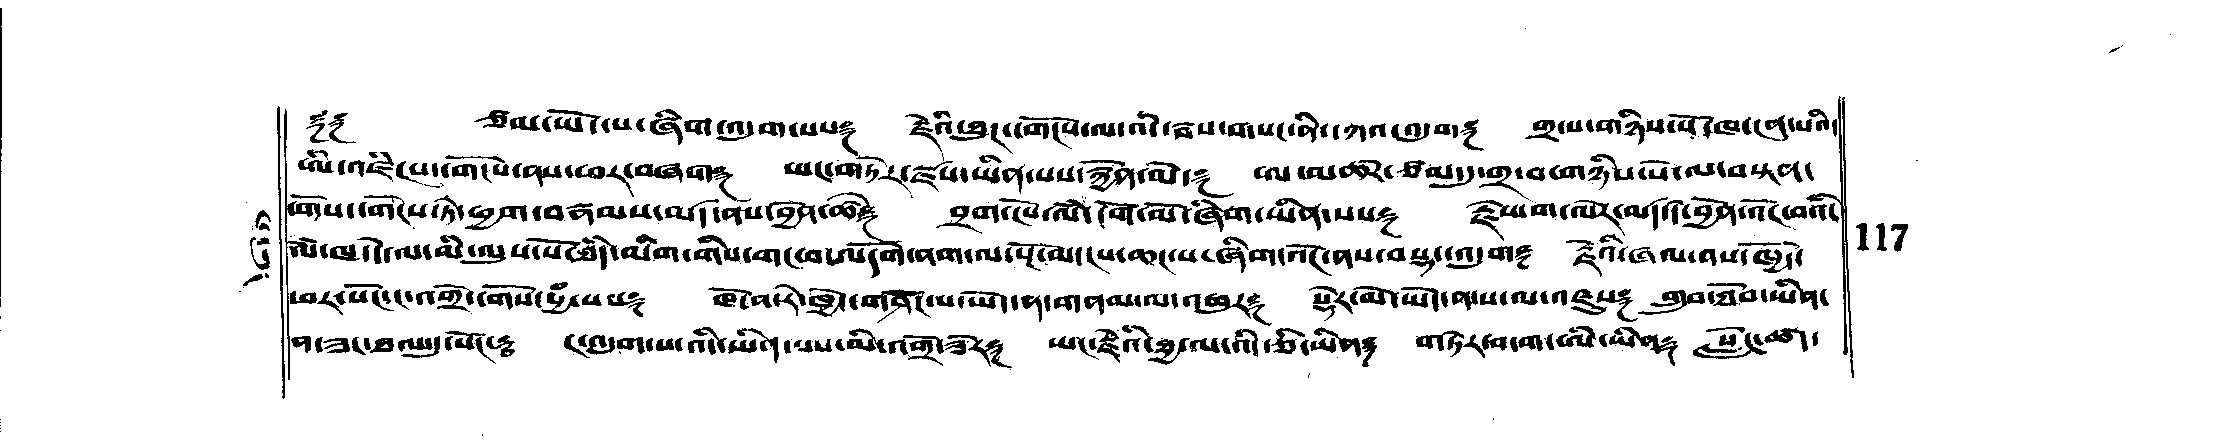ཙམ་ཡོད་པ་ཞིག་འདུག་པས། རྗེའི་ཐུགས་དགོངས་ལ་འདི་སྦས་གསང་ནི་དཀའ་འདུག གྲྭ་པ་གཉིས་པོ་ཁ་ངན་པའི་
ཨི་འཛིངས་དགོངས་ནས་ཕར་བཞག ཡང་གཏེར་རྫས་ཡིན་པས་སྐྱོན་མེད། ཨ་མཚར་ཙམ་དུ་གྲྭ་པ་གཉིས་པོ་ལ་བསྟན་
དགོས་དགོངས་ཏེ་ཕྱག་བསྣམས་མཛད་ནས་བྱོན་ཚེ། བྲག་ངོས་ལམ་དོག་མོ་ཞིག་ཡིན་པས། རྗེས་ག་ལེར་མཛད་དེ་བྱོན་འོང་བའི་
ལམ་ཁ་དེ་ལ་མི་ལུས་པོ་ཐམས་ཅད་མིག་གིས་གང་བ་མདོག་ནག་ལ་སྔོ་མདངས་ཆགས་པ་ཞིག་འོང་ནས་བསྡད་འདུག རྗེའི་ཞལ་ནས་ཁྱོད་
ཕར་སོང་ང་འགྲོ་དགོས་གསུངས་པས། ཁོ་ན་རེ་ཁྱོད་གཤོགས་པ་ཡོད་ན་གནམ་ལ་འཕུར། སྡེར་མོ་ཡོད་ན་ས་ལ་འཛུས་༼འརྫུལ?༽། གྲུབ་ཐོབ་ཡིན་
ན་ཟང་ཐལ་དུ་སོང་། ང་འདུག་ས་འདི་ཡིན་པས་མི་འགྲོ་ཟེར། ཡང་རྗེའིཐུགས་ལ་འདི་ཅི་ཡིན། གཏེར་བདག་ཨི་ཡིན། སློང་ཚད་